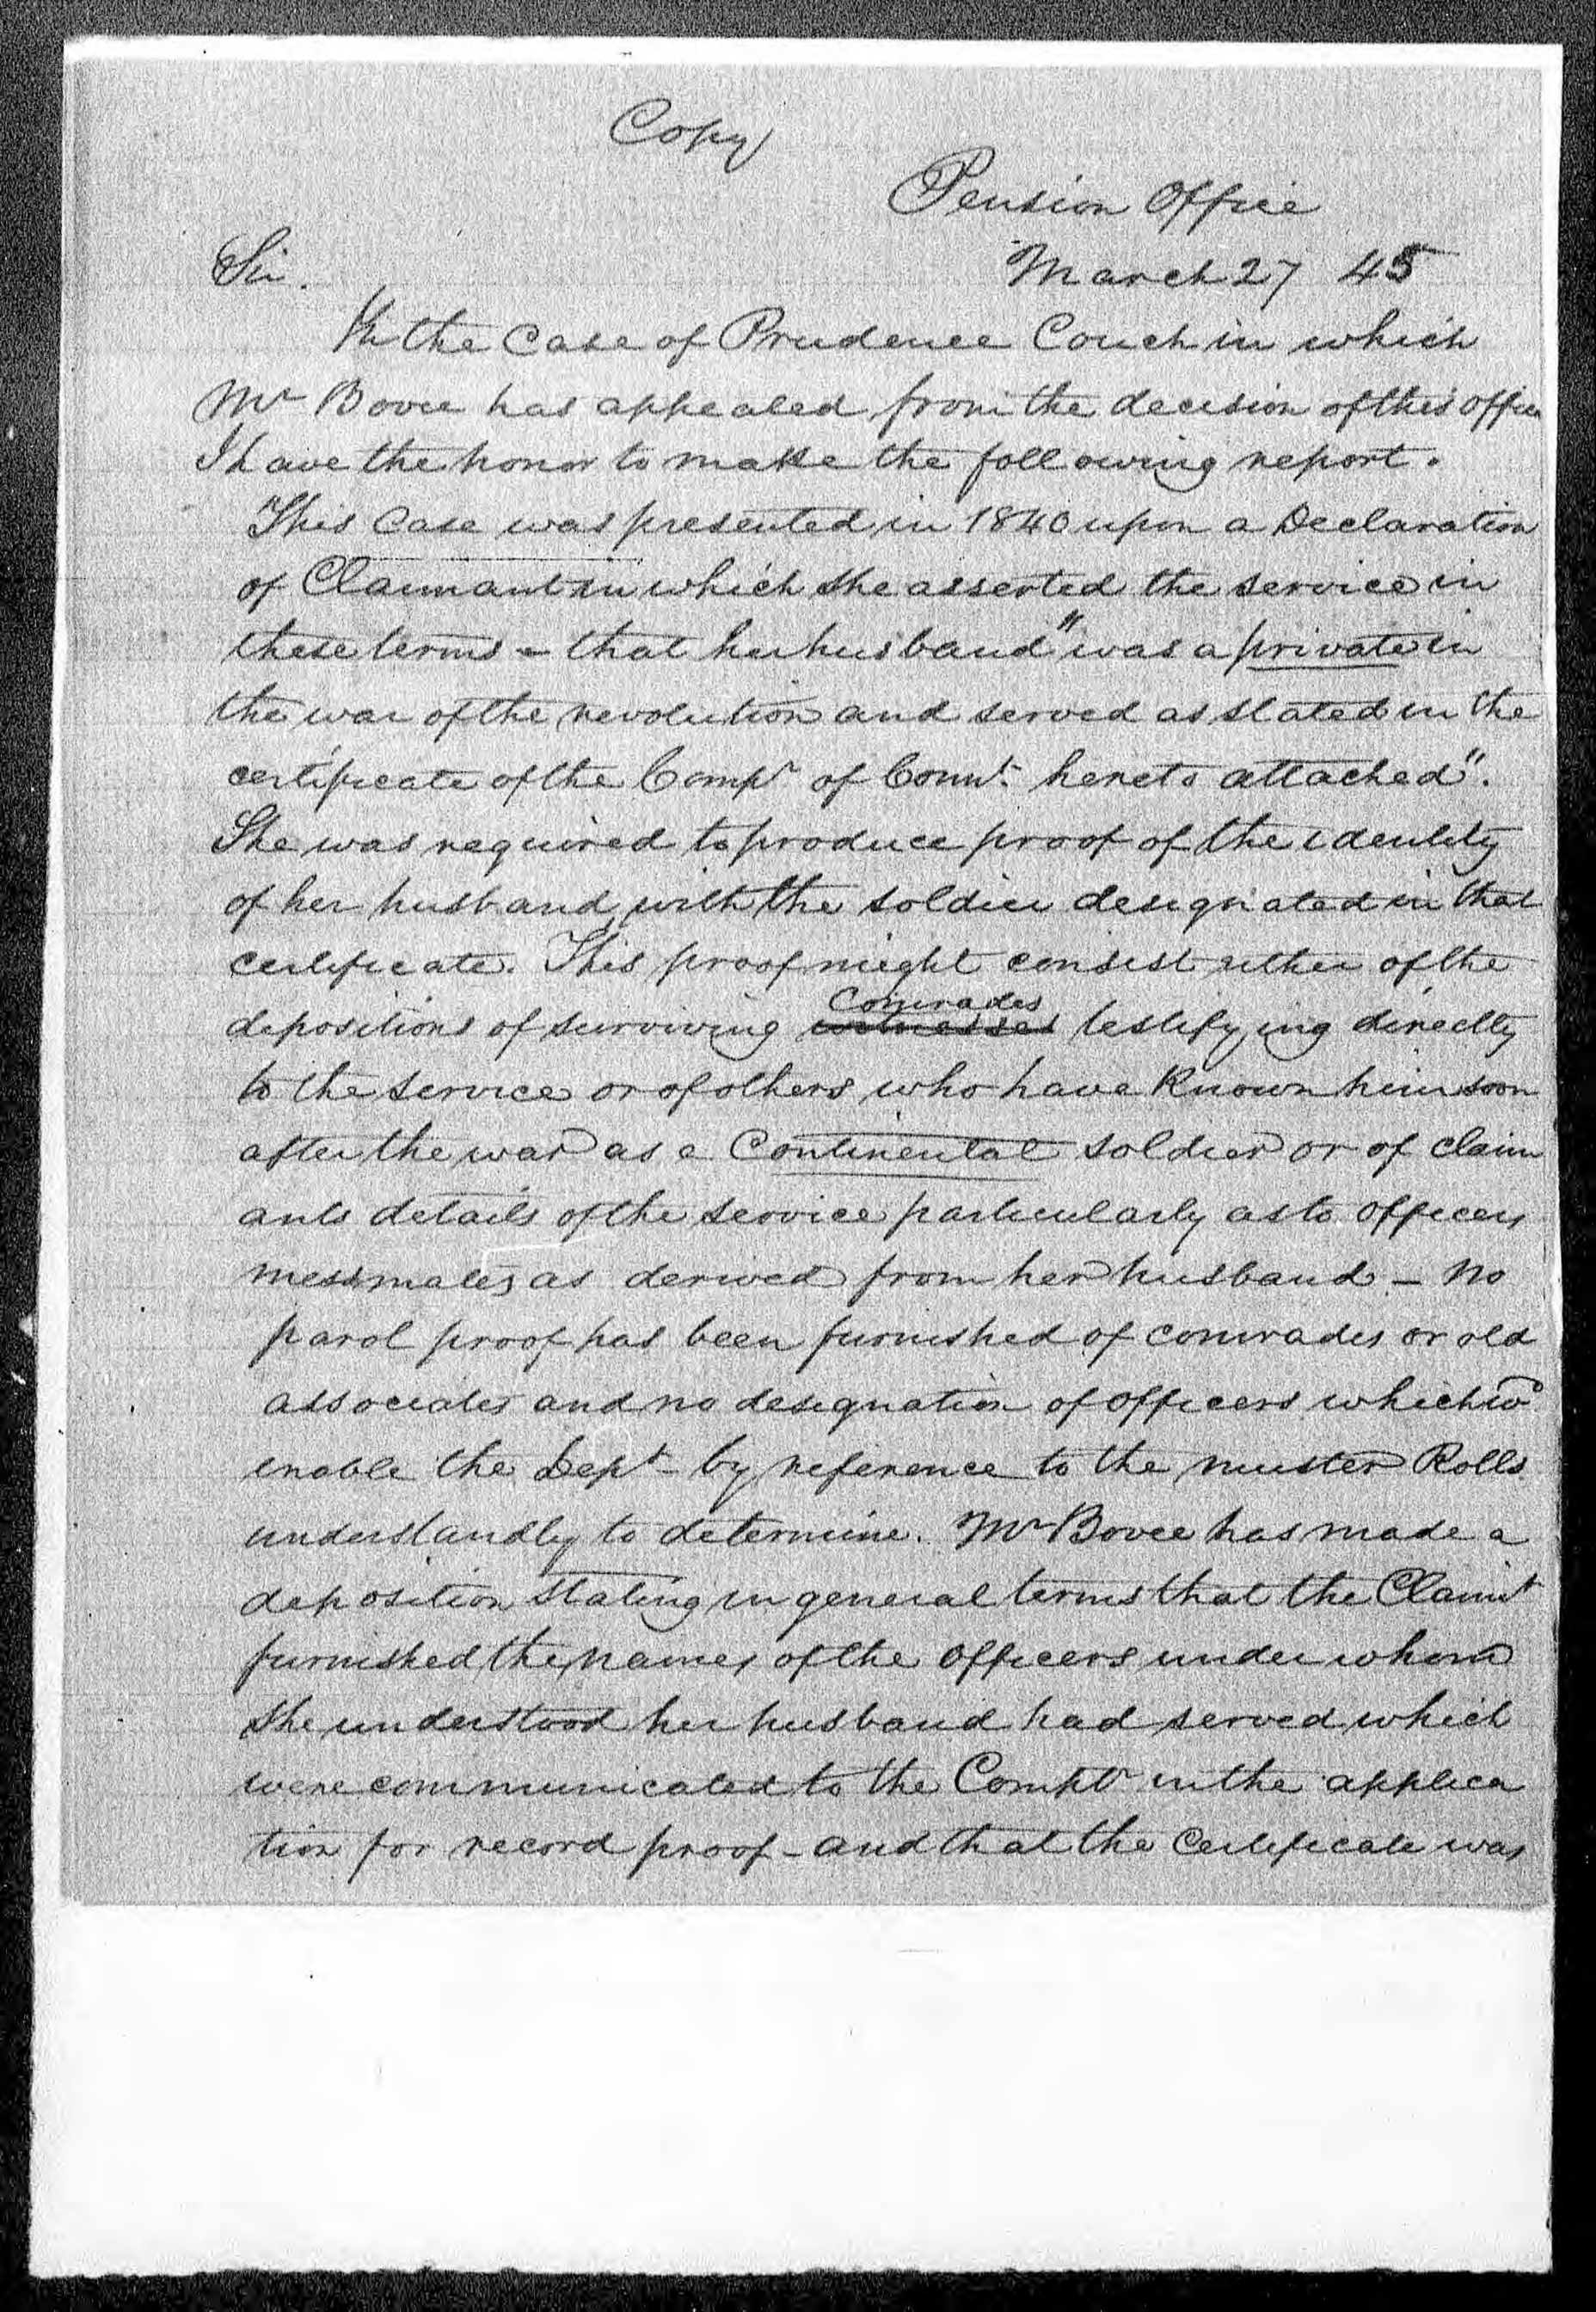Cover
Pension Office
Sir
March 27 45
In the case of Prudence Couch in which
Mr Bover has appealed from the decision of this office I have the honor to make the following report. This case was presented in 1840 upon a Declaration of Claimant in which she asserted the service in these terms that her husband" was a private [underlined] in the war of the revolution and served as stated in the certificate of the Compt of Count hereto attached". She was required to produce proof of the identity
of her husband with the soldier designated in that certificate. This proof might consist either of the deposition of surviving witnesses [crossed out] comrades [illegible] the testifying directly
to the service or of others who have known him soon after the war as a Continental [underlined] soldier or of claim and details of the service particularly as to officers messmates as derived from her husband _ No parol proof has been furnished of comrades or old associates and no designation of officers which [illegible] enable the Dept by reference to the muster Rolls understandly [understandably] to determine. Mr Bovee [Bover] has made a deposition stating in general terms that the Claims furnished the names of the officers under whom
She understood her husband had served which
were communicated to the Compt in the application for record proof _ and that the certificate was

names: Bovee, Bovee, Prudence Couch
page: 44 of 68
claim: rejected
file: R. 2,360, John Couch, Conn.